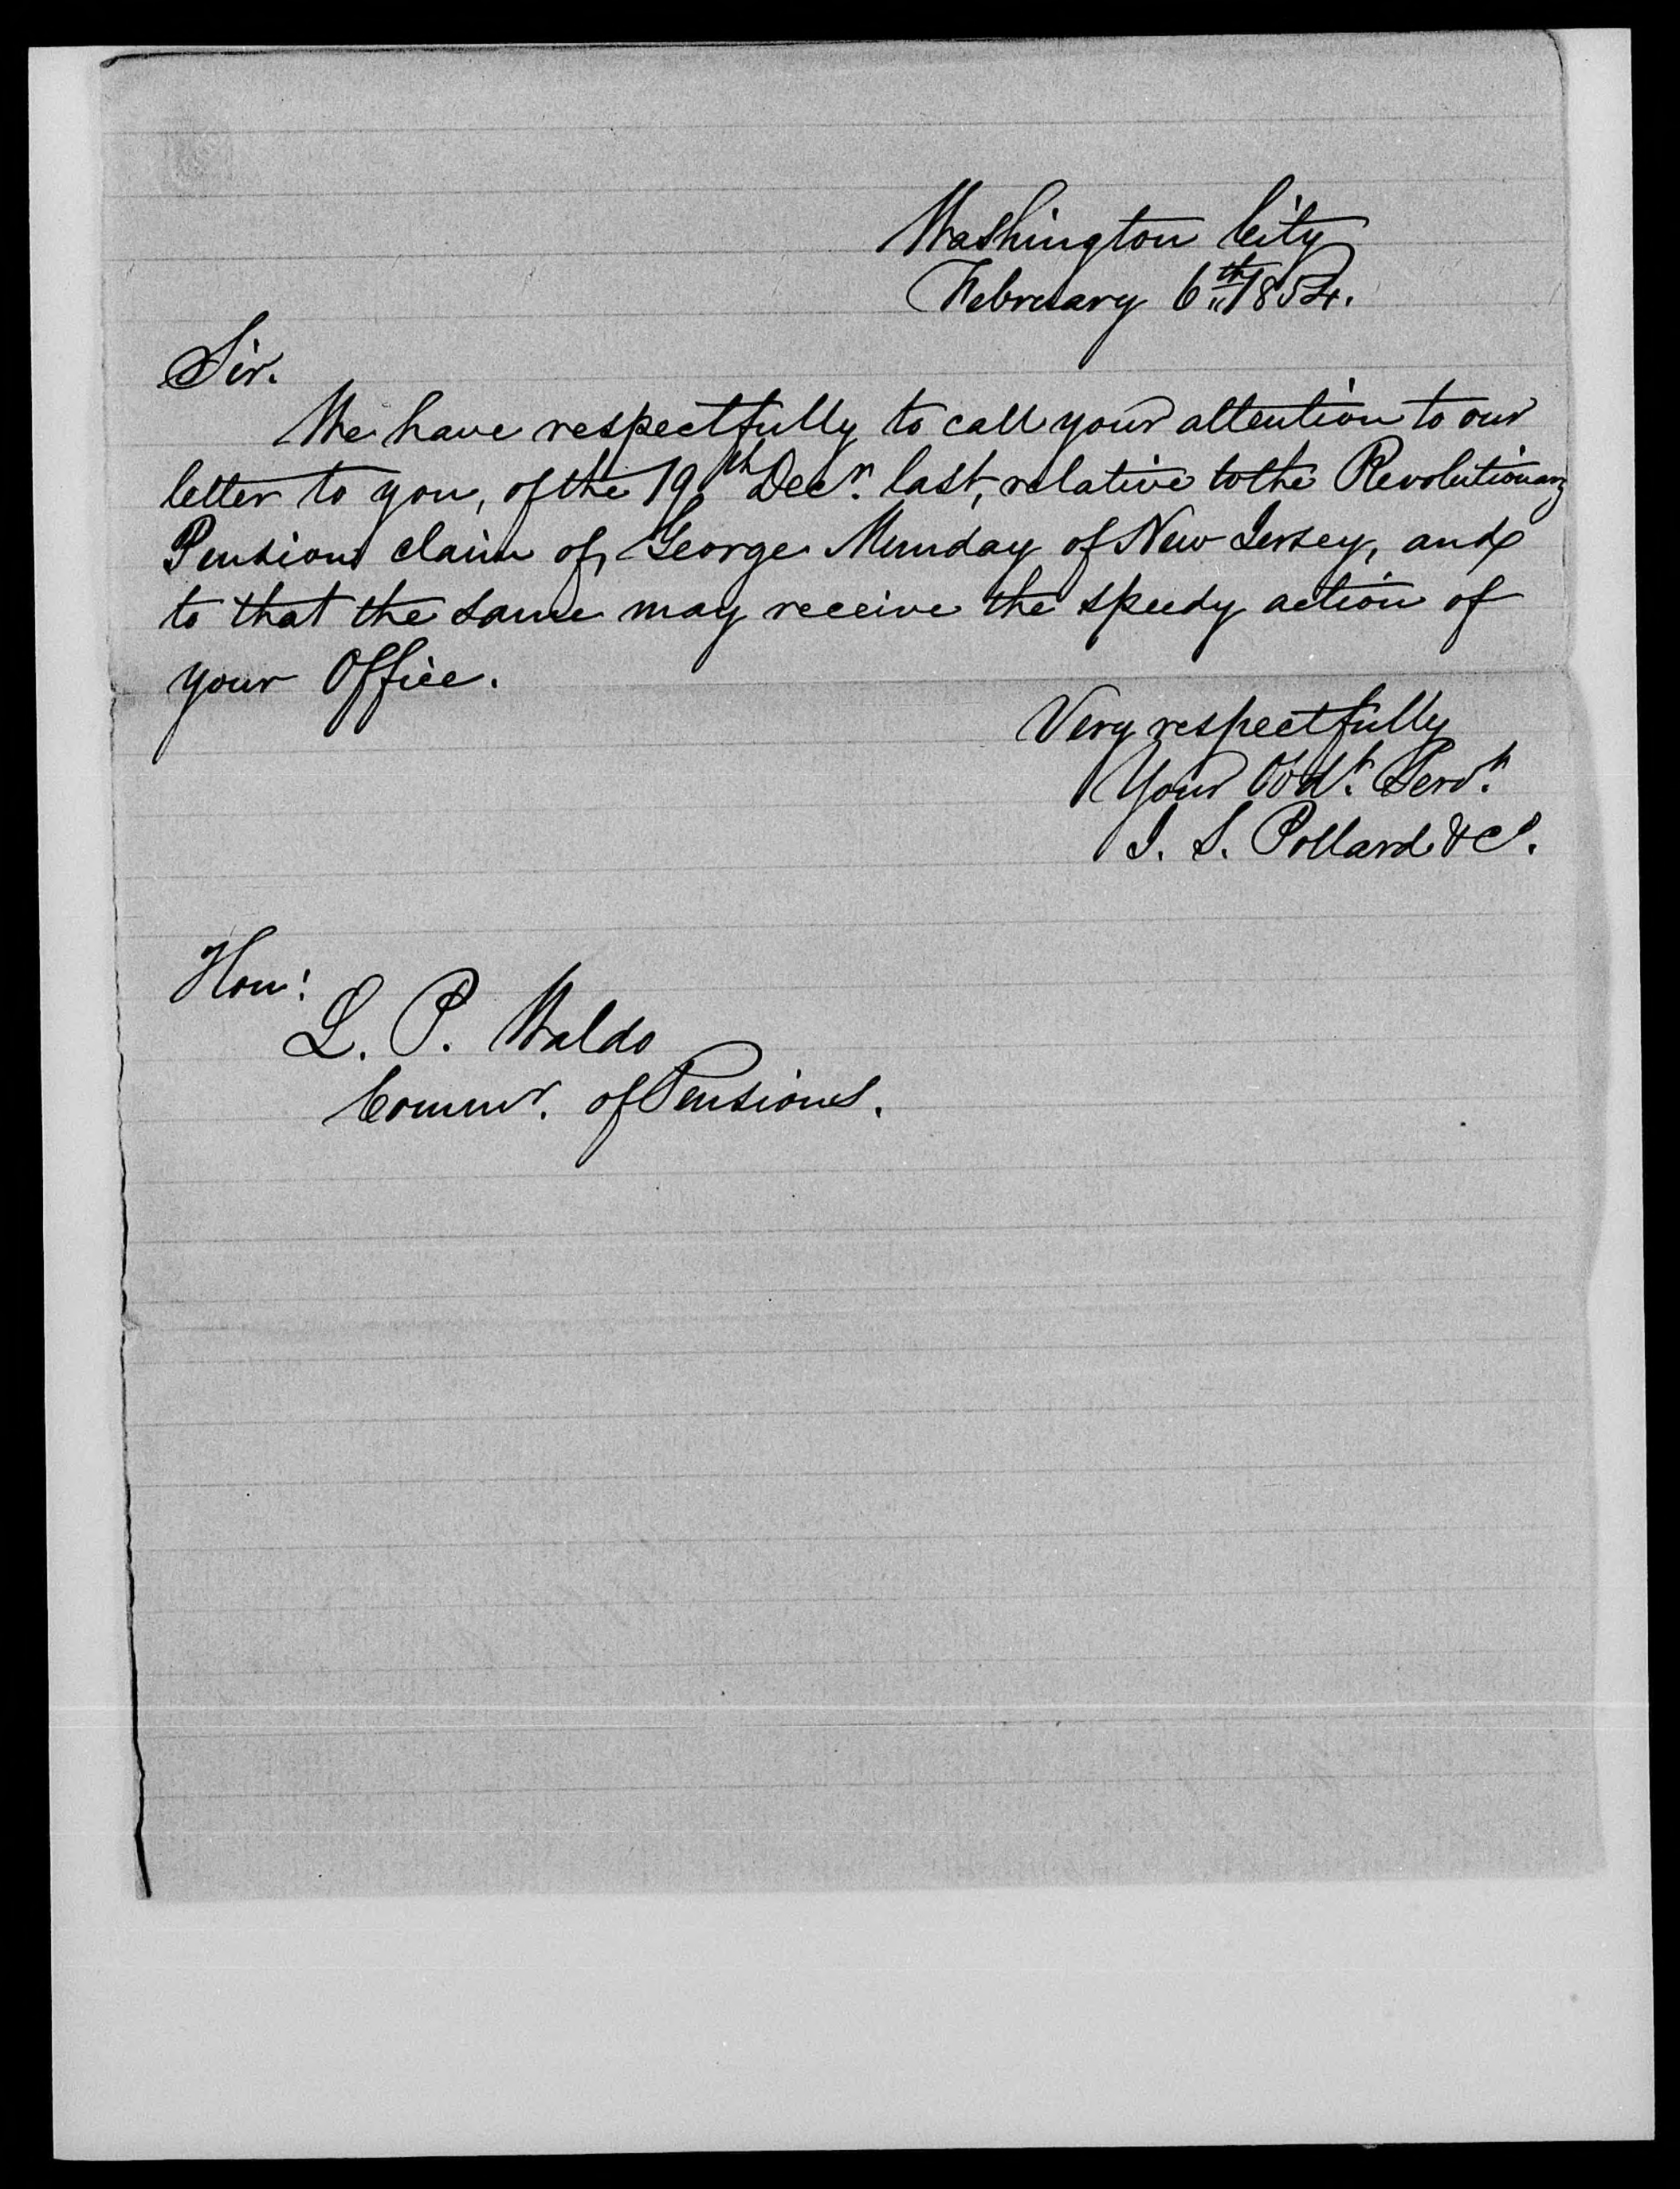Washington City
February 6th 1854.

Sir,

We have respectfully to call your attention to our letter to you of the 19th Dec. last, relative to the Revolutionary Pension claim of George Munday of New Jersey, and to that the same may receive the speedy action of your office.

Very respectfully your obe(dient) ser(vant)
s/ J.S. Pollard & Co.

Hon. L.P. Waldo, Com(missioner) of Pensions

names: L P Waldo; J S Pollard; George Munday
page: 37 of 95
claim: survivor's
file: S 2889, for Levi Mundy, New Jersey